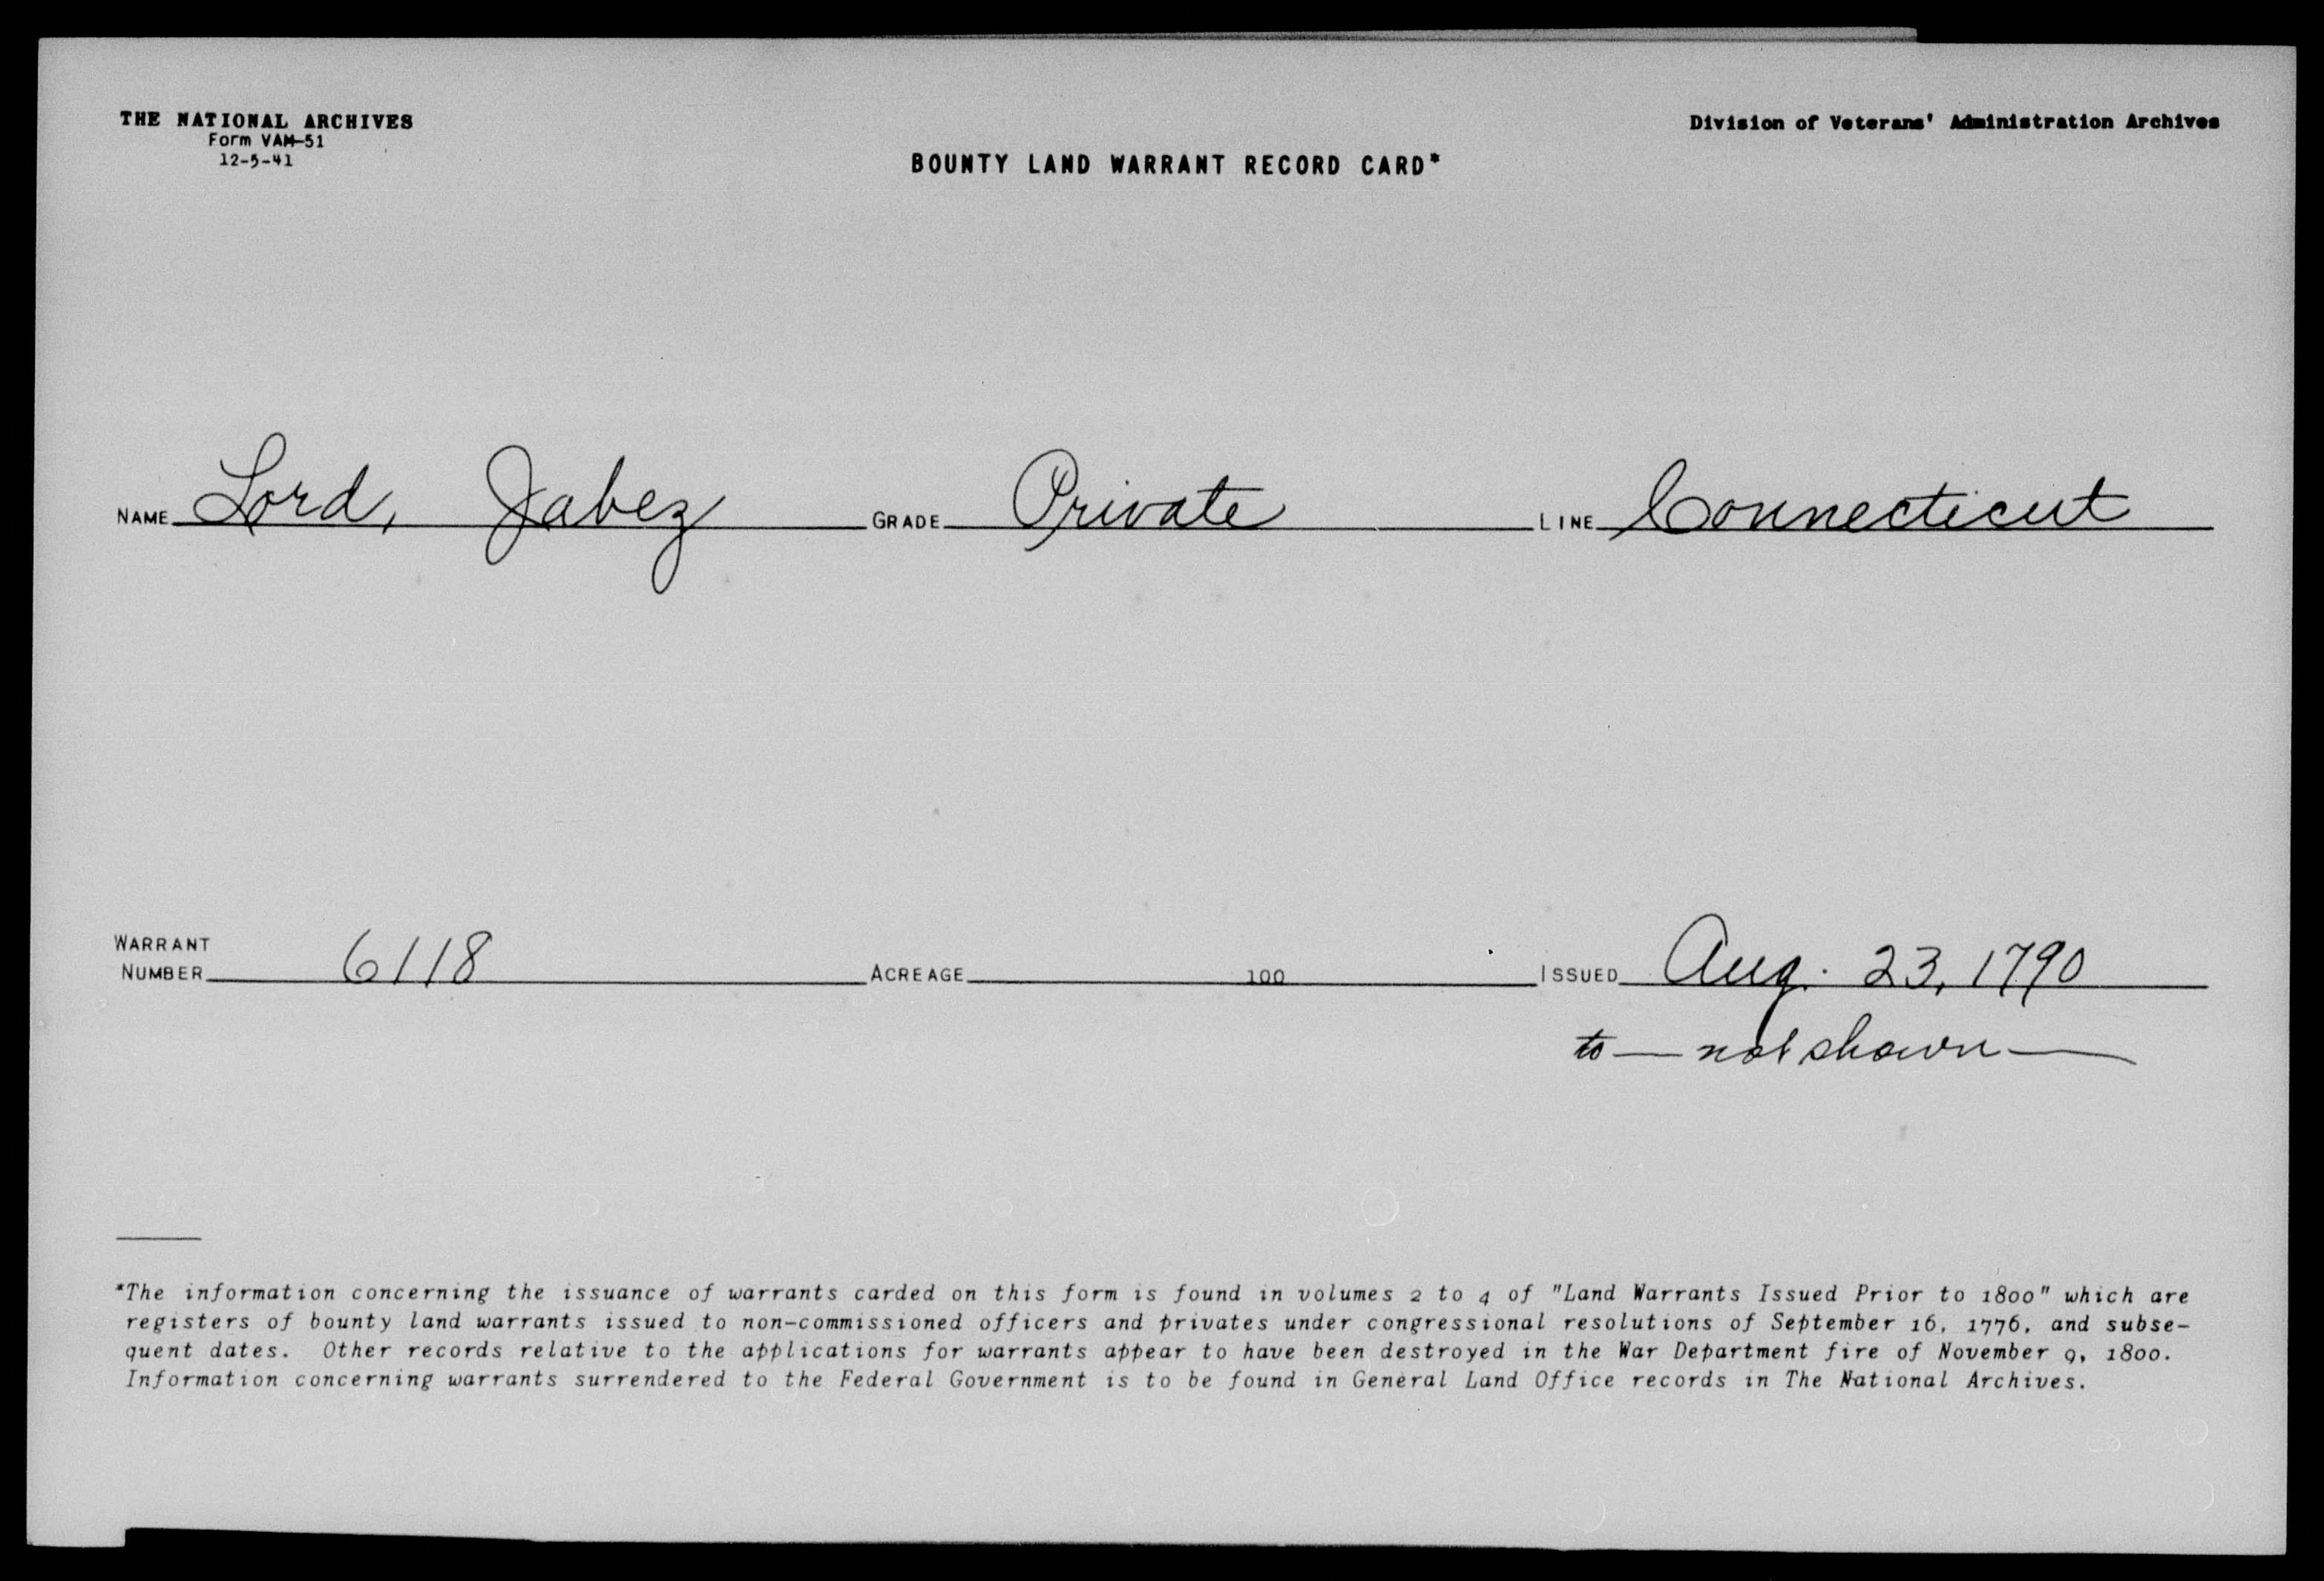The National Archives form VAM-51 12-5-41
Bounty Land Warrant Record Card*
Division of Veterans' Administration Archives
Name Lord, Jabez 
Grade Private Line Connecticut
Warrant 6118 Acreage 100 Issued Aug. 23, 1790
to-not shown

*The information concerning the issuance of warrants carded on this form is found in volumes 2 to 4 of ""Land Warrants Issued Prior to 1800"" which are registers of bounty land warrants issued to non-commissioned officers and privates under congressional resolutions of September 16, 1776, and subsequent dates. Other records relative to the applications for warrants appear to have been destroyed in the War Department fire of November 9, 1800. Information concerning warrants surrendered to the Federal Government is to be found in General Land Office records in The National Archives.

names: Jabez Lord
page: 3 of 5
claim: bounty land warrant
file: B. L. Wt. 6118-100, for Jabez Lord, Connecticut